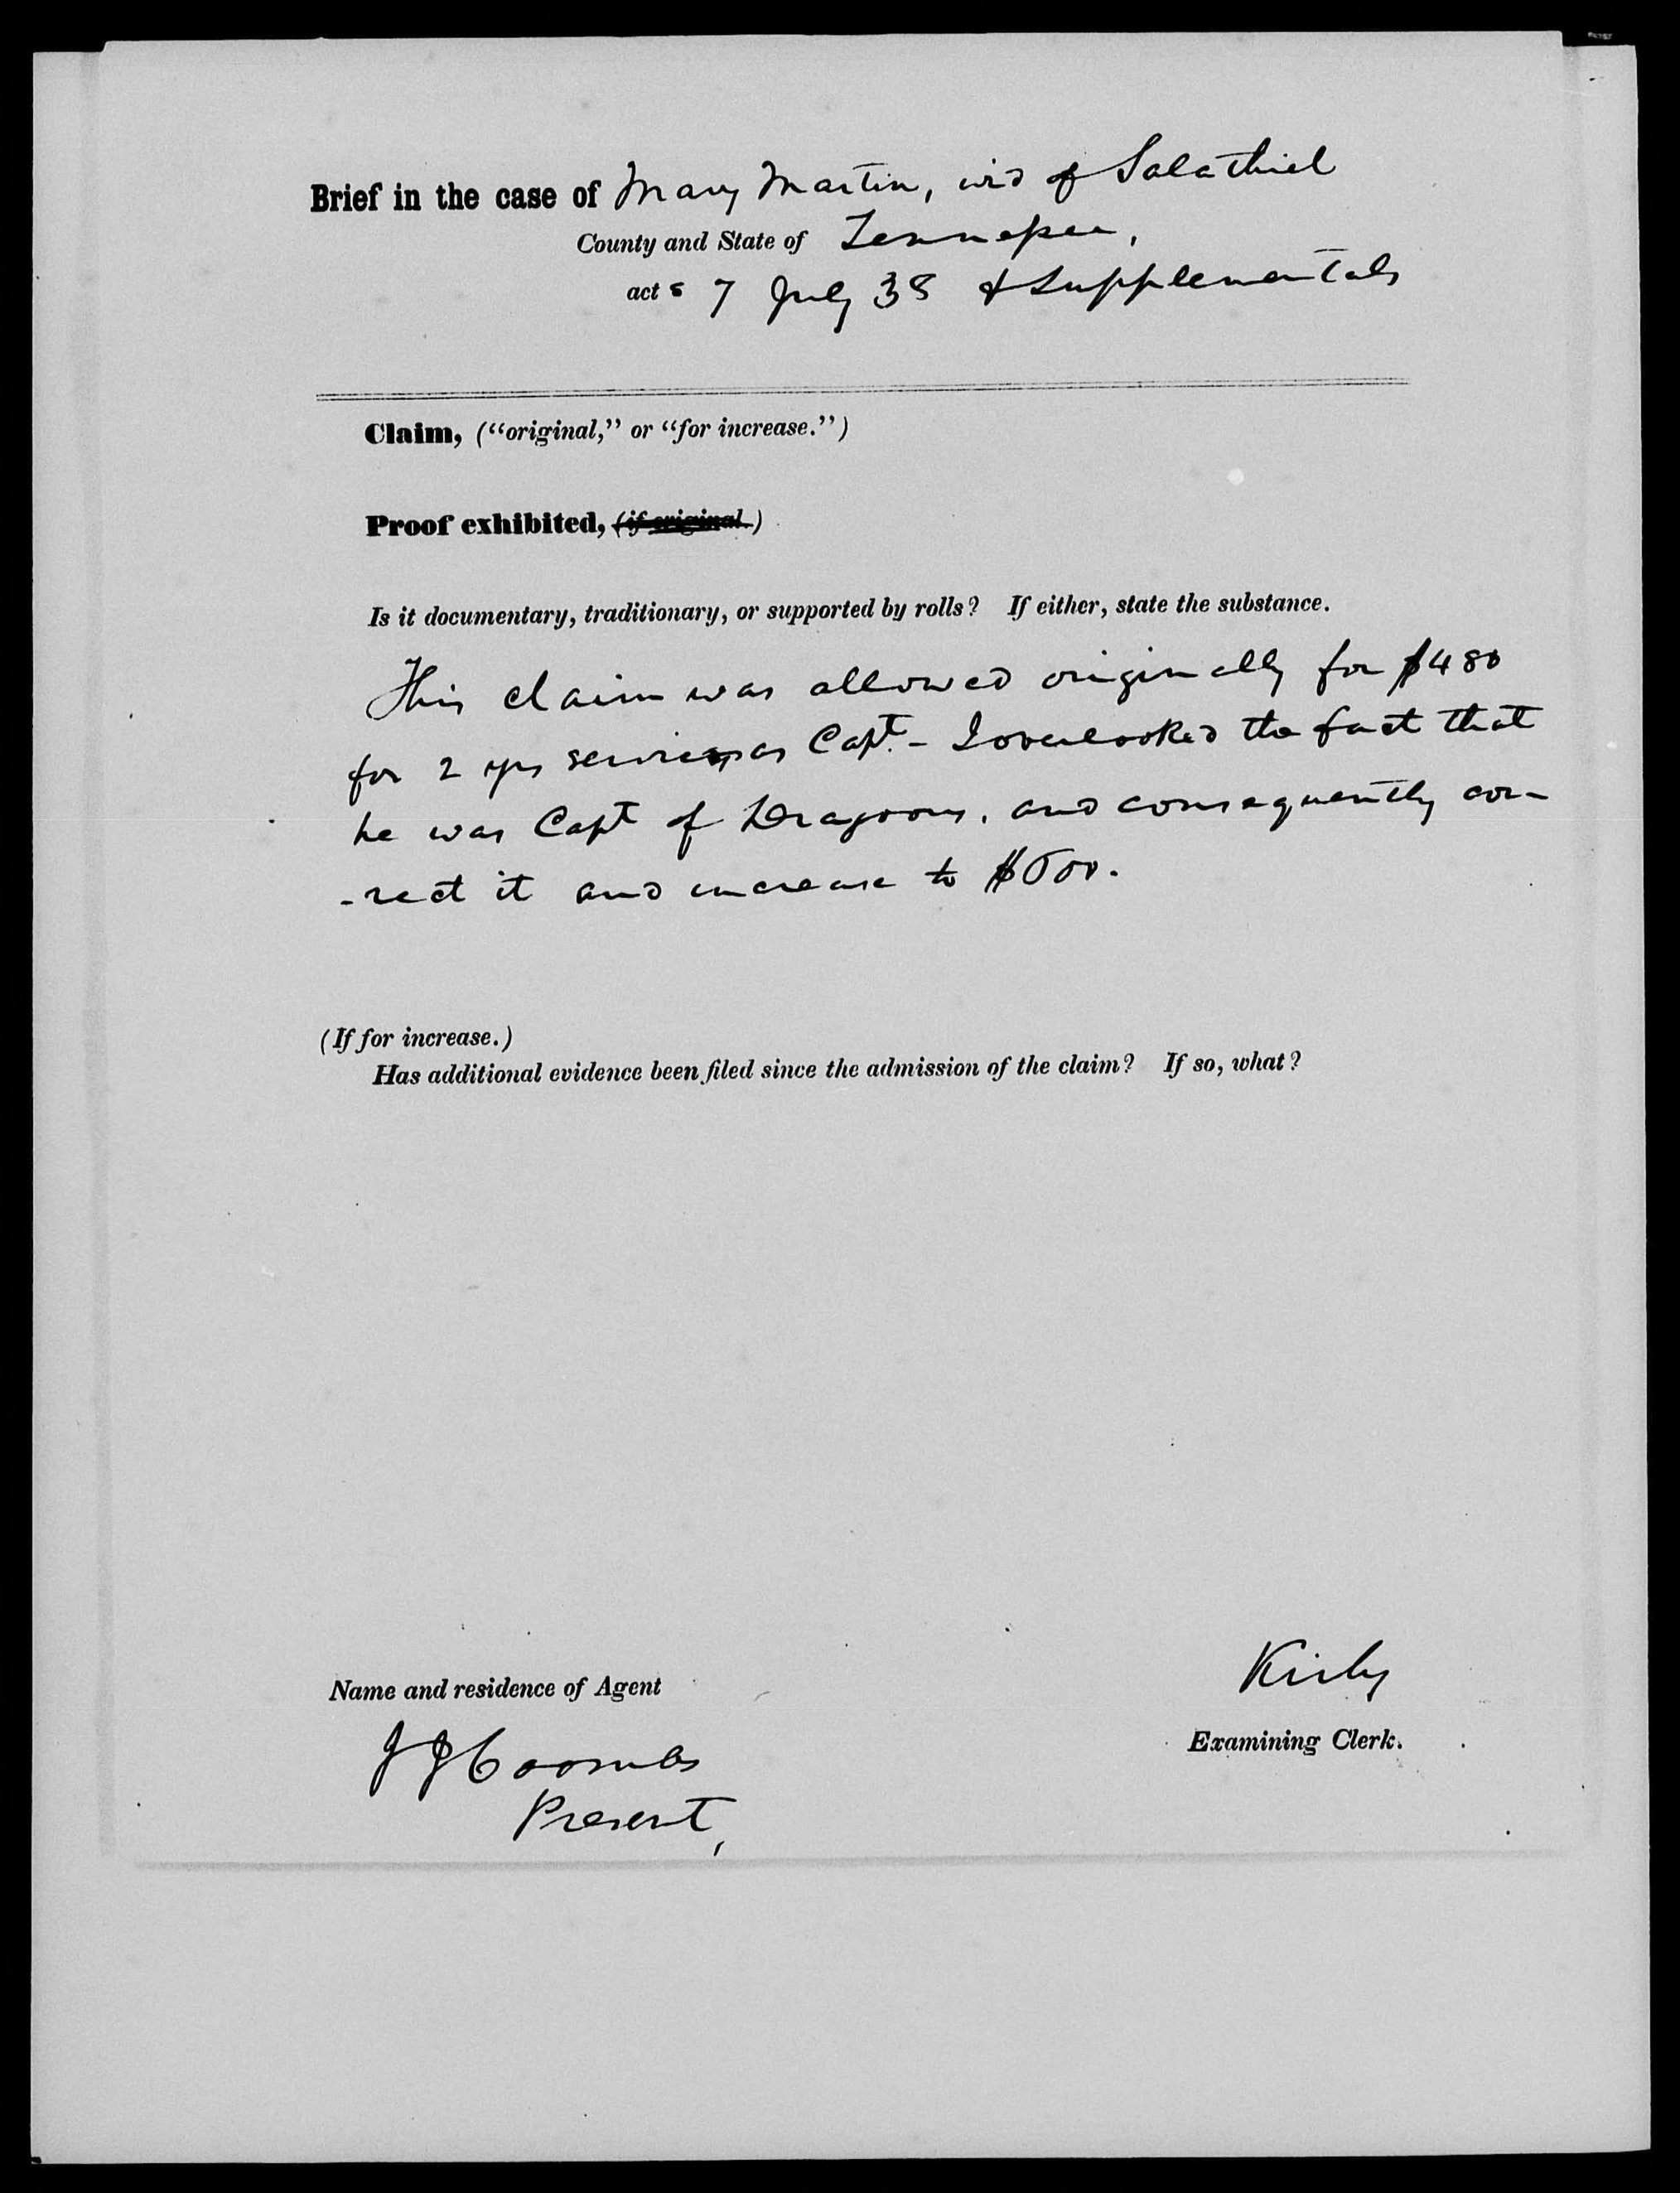[printed form, handwritten responses]
Brief in the case of Mary Martin, wid of Salathiel
County and State of Tennessee,
acts 7 July 38 & supplemental
Claim, (original, or for increase.)
Proof exhibited,["(if original)" is crossed out] 
Is it documentary, traditionary, or supported by rolls? If either, state the substance.
This claim was allowed originally for $480
for 2 yrs service as Capt.-- I overlooked the fact that
he was Capt of Dragoons, and consequently cor-
-rect it and increase to $600
(If for increase.)
Has additional evidence been filed since the admission of the claim? If so, what?
[blank]

Kirby
Examining Clerk.

Name and residence of Agent
J J Coombs
Present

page: 61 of 120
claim: widow's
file: W. 1044, for Salathiel Martin, North Carolina